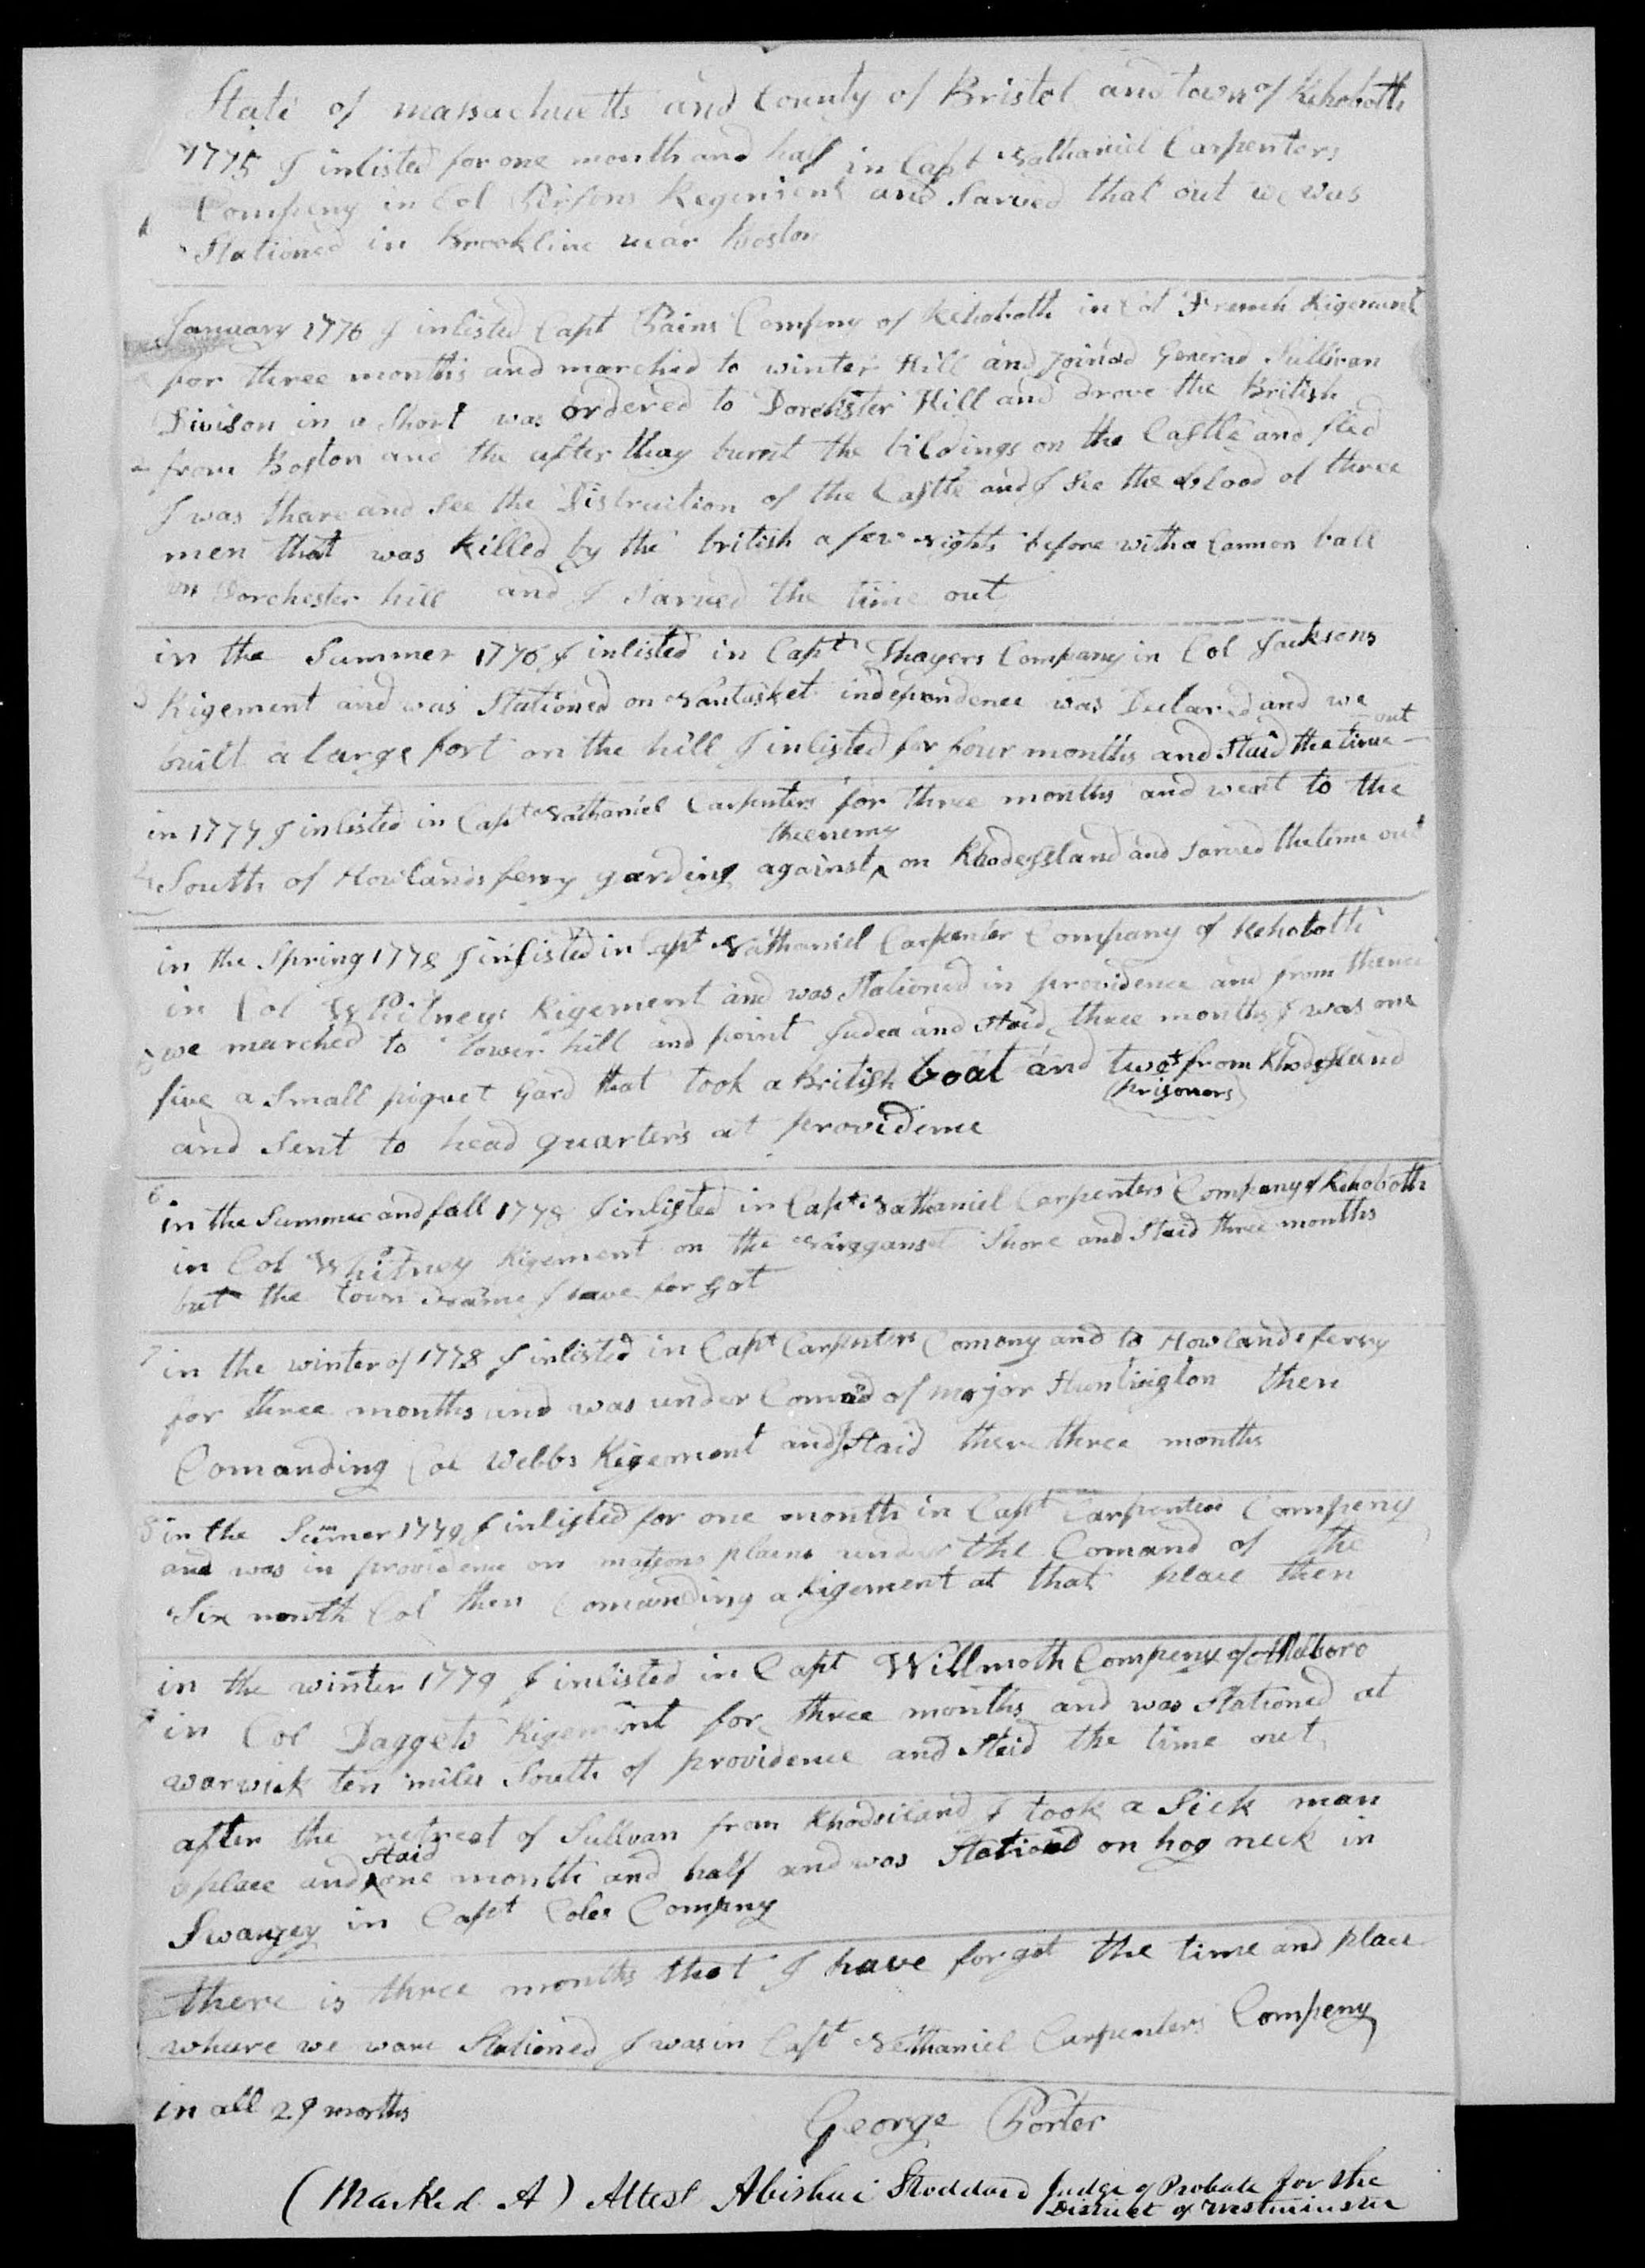1. State of Massachusetts and County of Bristol and town of Rehoboth 1775
1775 I inlisted for one month and half in Capt Nathaniel Carpenters Company in Col Persons Regiment and served that out we was Stationed in Brookline near Boston
2. January 1776 I inlisted Capt Paine Company of Rehoboth in Col French Rigerment for three months and marched to Winter Hill and Joined General Sullivan Divison in a short was ordered to Dorchester Hill and drove the British from Boston and the after they burnt the bildings on the Castle and fled I was thare and see the distruction of the Castle and of the blood of three men that was killed by the British a few nights before with a Cannon ball on Dorchester hill and I served the time out
3. in the Summer 1776 I inlisted in Capt Thayers Company in Col Jacksons Rigement and was stationed on Nantucket independence was Declared and we built a large fort on the hill I inlisted for four months and staid the time out
4. in 1777 I inlisted in Capt. Nathaniel Carpenters for three months and went to the South of Howlands ferry garding against the enemy on Rhodeisland [Rhode Island] and sarved the time out
5. in the Spring 1778 I enlisted in Capt. Nathaniel Carpenter Company of Rehoboth in Col Whitneys Regiment and was stationed in providence and from there we marched to Tower Hill and point Judea [Point Judith?] and staid three months of I was one five a small piquet Gard that took a British boat and two prisoners from Rhodsisland and sent to head quarters at Providence
6. in the Summer and fall 1778 I inlisted in Capt Nathaniel Carpenters Company of Rehoboth in Col Whitney Rigement on the Naraganset [Narragansett] Shore and staid three months but the town name I have forgot
7. in the winter of 1778 I inlisted in Capt Carpenters Comany and to Howlands ferry for three months and was under Comand of major Huntington then Comanding Col Webbs Rigement and staid there three months
8. in the Summer 1779 I inlisted for one month in Capt Carpenters Compeny and was in Providence on mations plains under the Command of the Six month Col then Comanding a Rigement at that place then
9. in the winter 1779 I inlisted in Capt Willmoth Company of Attleboro in Col Daggets [Daggett's] Rigement for three months and was stationed at Warwick ten miles South of Providence and staid the time out after the retreat of Sullivan from Rhodsisland I took a sick mans place and staid one month and half and was stationd on hog neck in Swangey in Capt Coles Compny
there is three months that I have forget the time and place where we were stationed I was in Capt Nathaniel Carpenters Compeny in all 29 months
George Porter
marked A. Attest Abishai Stoddard Judge of Probate for the District of Westminster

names: [BLANK] Sullivan; George Porter; Abishai Stoddard; Nathaniel Carpenter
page: 12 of 49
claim: widow's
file: W. 2164, for George Porter, Massachusetts